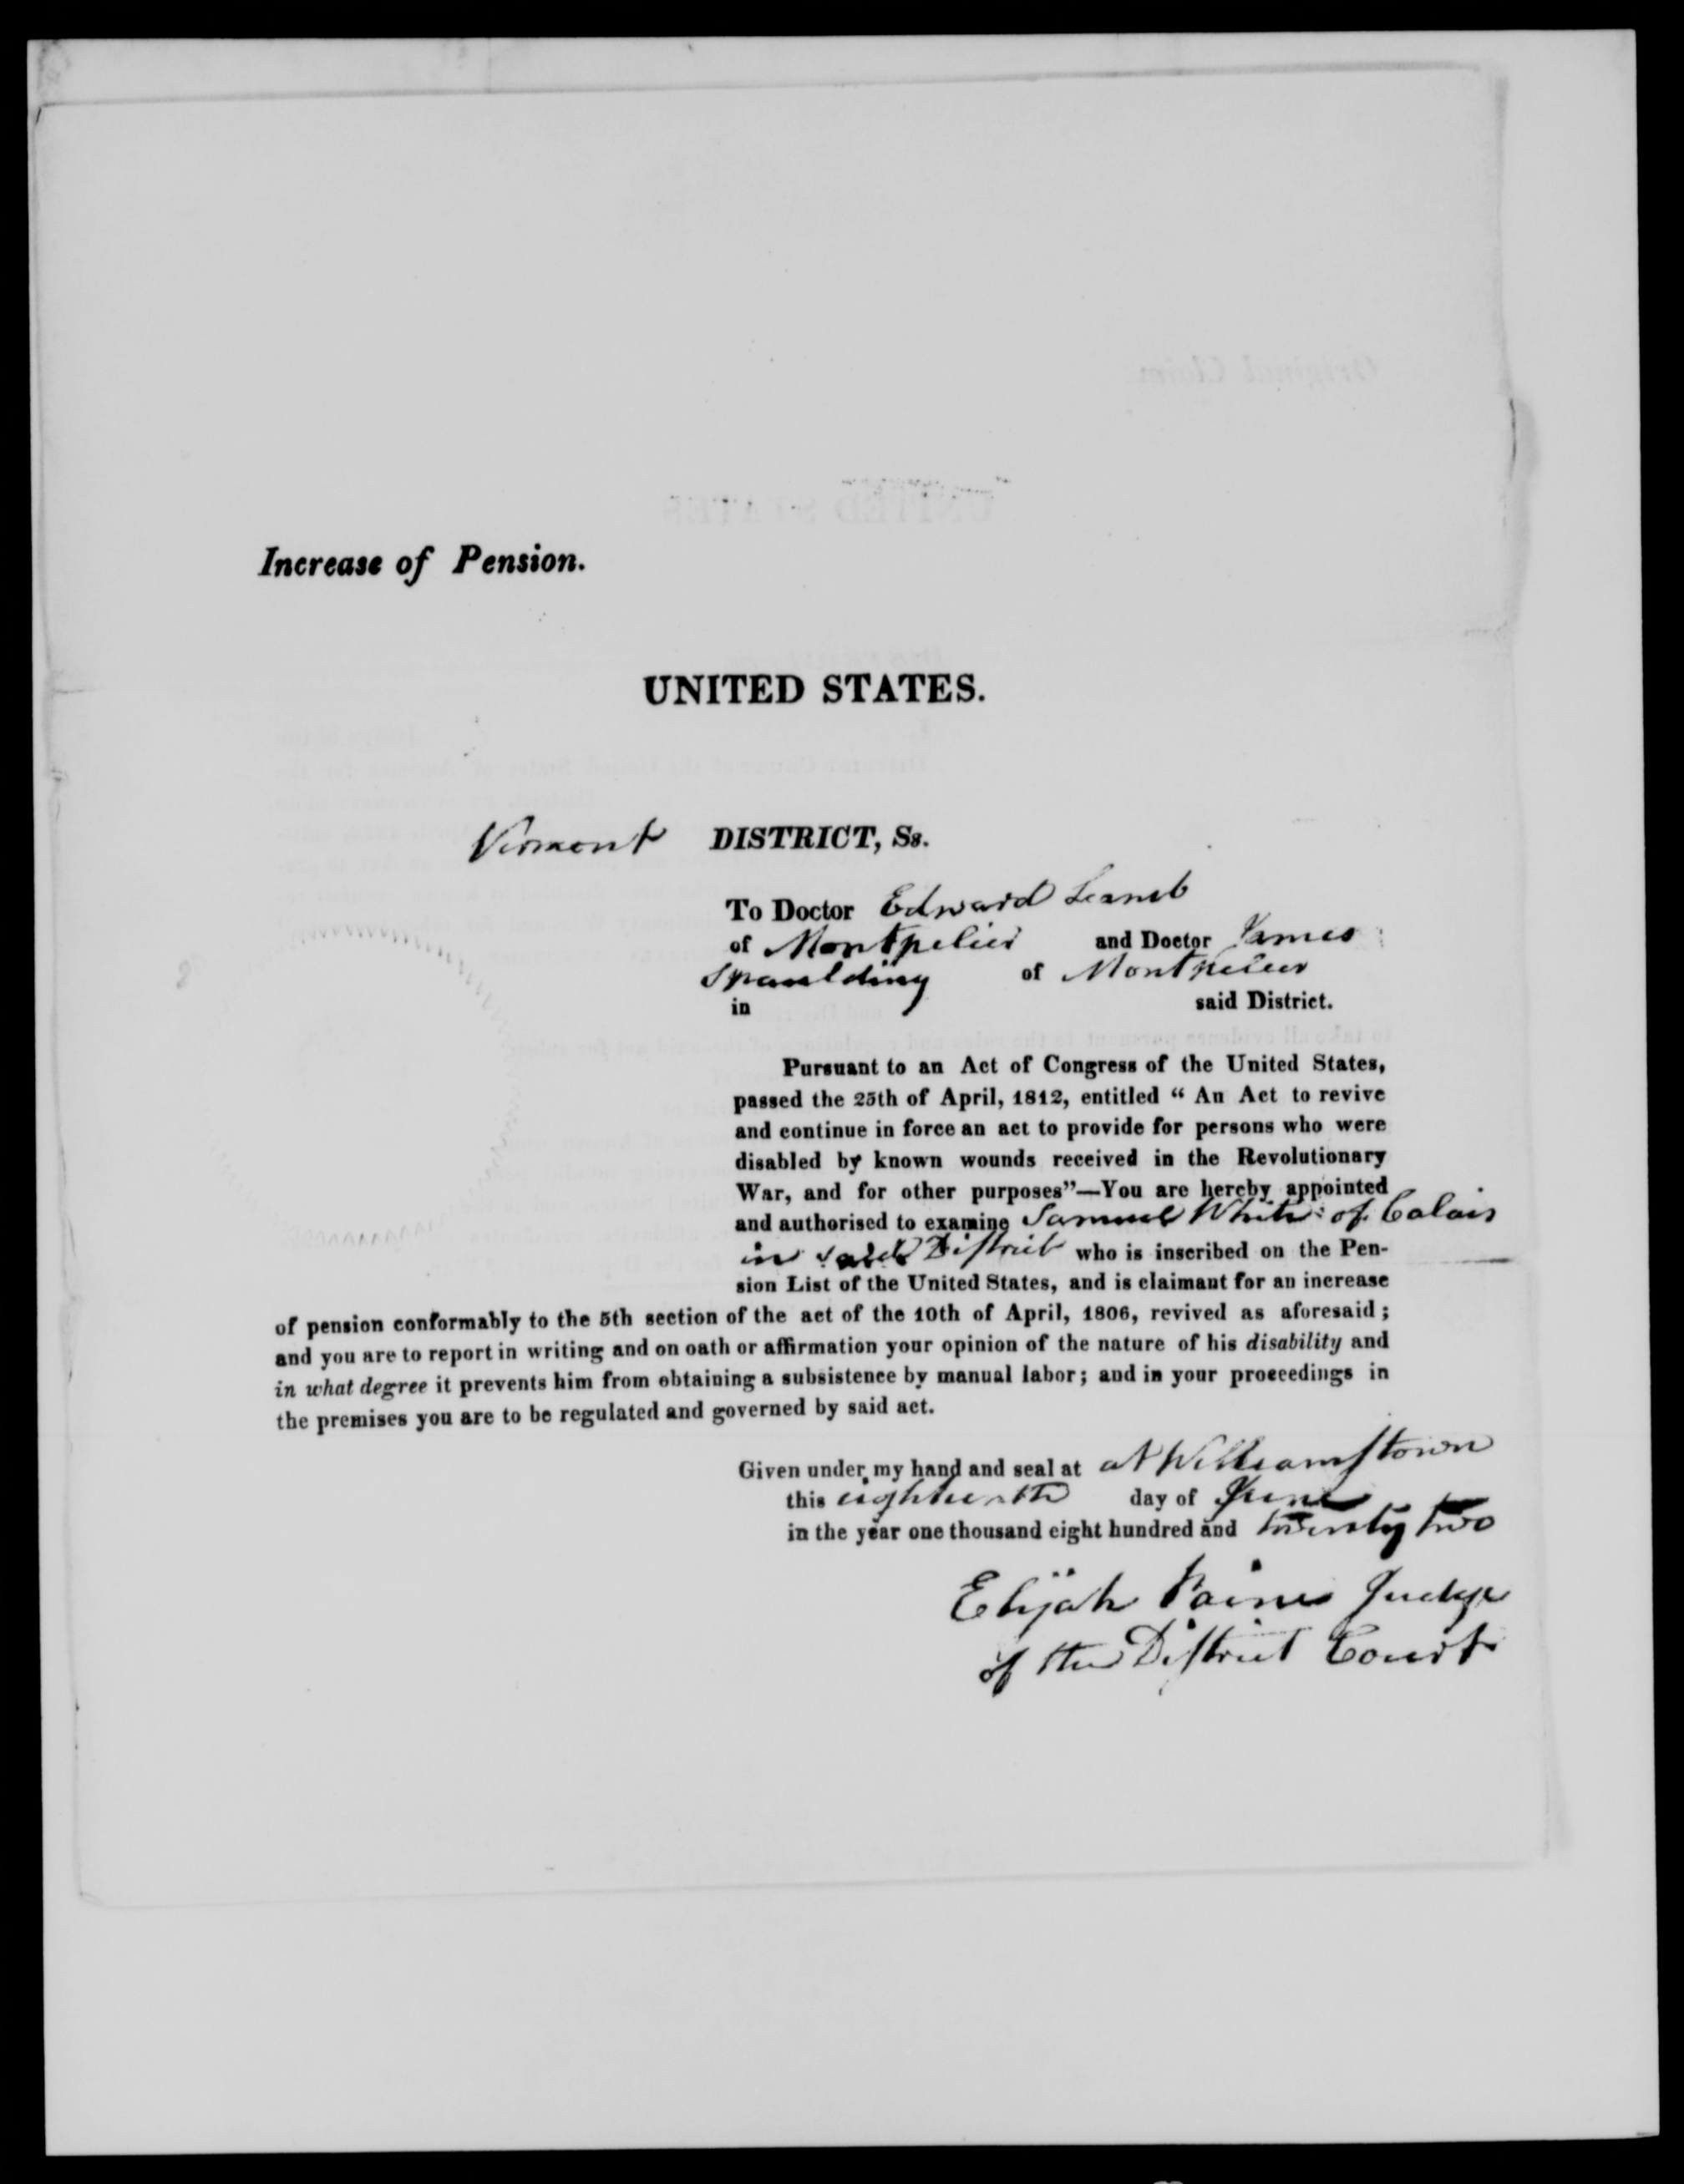Increase of Pension
UNITED STATES
Vermont District, Ss

To Doctor Edward Lamb at Montpelier and Doctor James Spaulding of Montpelier in said District.
Pursuant to an Act of Congress of the United States passed the 25th of April, 1812, entitled " An Act to revive and continue in force an act to provide for persons who were disabled by known wounds received in the Revolutionary War, and for other purposes" You are hereby appointed and authorised to examine Samuel White of Calais in said District who is inscribed on the Pension List of the United States, and is claimant for an increase of pension conformably to the 5th section of the act of the 10th of April, 1806, revived as aforesaid; and you are to report in writing and on oath or affirmation your opinion of the nature of his disability and in what degree it prevents him from obtaining a subsistence by manual labor; and in your proceedings in the premises you are to be regulated and governed by said act.
Given under my hand and seal at Williamstown this eighteenth day of June in the year one thousand eight hundred and twenty two.
Elijah Paine Judge
of the District Court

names: Edward Lamb, Samuel White, Elijah Paine, James Spaulding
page: 35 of 79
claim: survivor's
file: S. 11759, Samuel White, Mass.